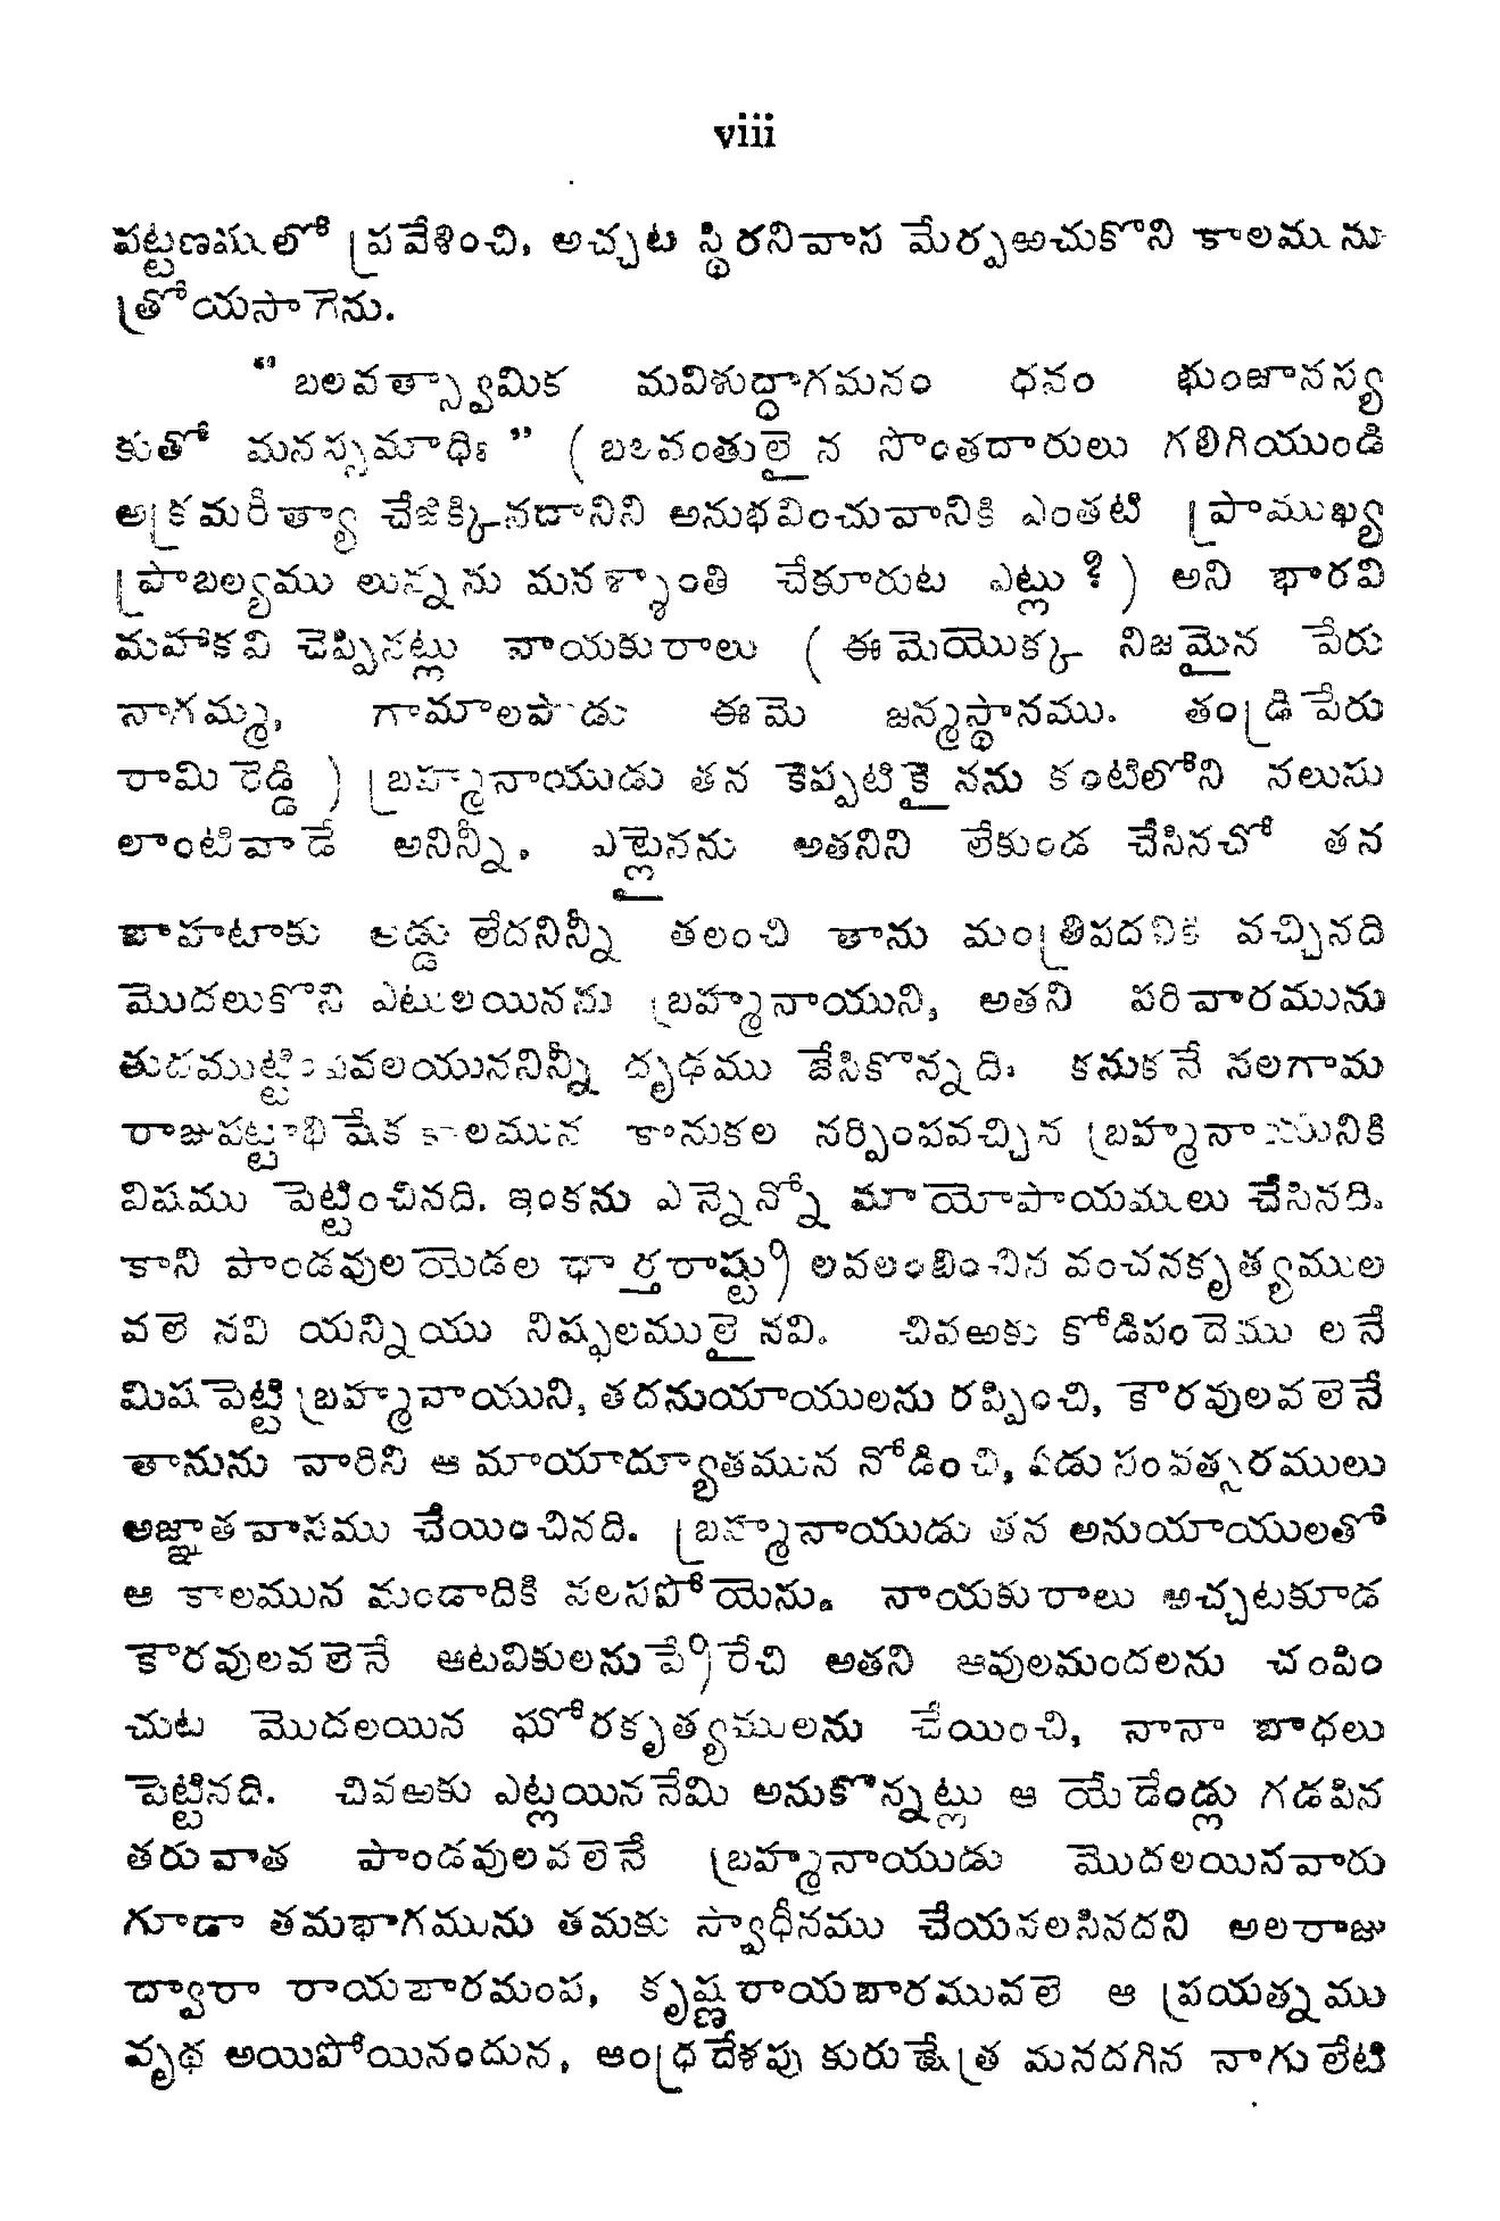పట్టణములో ప్రవేశించి, అచ్చట స్థిరనివాస మేర్పఱచుకొని కాలమును త్రోయసాగెను.

"బలవత్స్వామిక మవిశుద్దాగమనం ధనం భుంజానస్యకుతో మనస్సమాధిః ” (బలవంతులైన సొంతదారులు గలిగియుండి అక్రమరీత్యా చేజిక్కినదానిని అనుభవించువానికి ఎంతటి ప్రాముఖ్య
ప్రాబల్యము లున్నను మనశ్శాంతి చేకూరుట ఎట్లు ?) అని భారవి మహాకవి చెప్పినట్లు నాయకురాలు ( ఈమెయొక్క నిజమైన పేరు నాగమ్మ. గామాలపాడు ఈమె జన్మస్థానము. తండ్రిపేరు రామిరెడ్డి ) బ్రహ్మనాయుడు తన కెప్పటికైనను కంటిలోని నలుసులాంటివాడే అనిన్నీ, ఎట్లైనను అతనిని లేకుండ చేసినచో తన బాహటాకు అడ్డు లేదనిన్నీ తలంచి తాను మంత్రిపదవికి వచ్చినది మొదలుకొని ఎటులయినను బ్రహ్మనాయుని, అతని పరివారమును తుదముట్టింపవలయుననిన్నీ దృఢము జేసికొన్నది. కనుకనే నలగామరాజుపట్టాభిషేక కాలమున కానుకల నర్పింపవచ్చిన బ్రహ్మనాయునికి
విషము పెట్టించినది. ఇంకను ఎన్నెన్నో మాయోపాయములు చేసినది. కాని పాండవులయెడల ధార్తరాష్ట్రు లవలంబించిన వంచనకృత్యములవలె నవి యన్నియు నిష్ఫలములైనవి. చివఱకు కోడిపందెము లనే మిషపెట్టి బ్రహ్మనాయుని, తదనుయాయులను రప్పించి, కౌరవులవలెనే
తానును వారిని ఆ మాయాద్యూతమున నోడించి, ఏడు సంవత్సరములు అజ్ఞాతవాసము చేయించినది. బ్రహ్మనాయుడు తన అనుయాయులతో ఆ కాలమున మండాదికి వలసపోయెను. నాయకురాలు అచ్చటకూడ కౌరవులవలెనే ఆటవికులనుప్రేరేచి అతని ఆవులమందలను చంపించుట మొదలయిన ఘోరకృత్యములను చేయించి, నానా బాధలు పెట్టినది. చివఱకు ఎట్లయిననేమి అనుకొన్నట్లు ఆ యేడేండ్లు గడపిన తరువాత పాండవులవలెనే బ్రహ్మనాయుడు మొదలయినవారు గూడా తమభాగమును తమకు స్వాధీనము చేయవలసినదని అలరాజు
ద్వారా రాయబారమంప, కృష్ణరాయబారమువలె ఆ ప్రయత్నము వృథ అయిపోయినందున, ఆంధ్రదేశపు కురుక్షేత్ర మనదగిన నాగులేటి